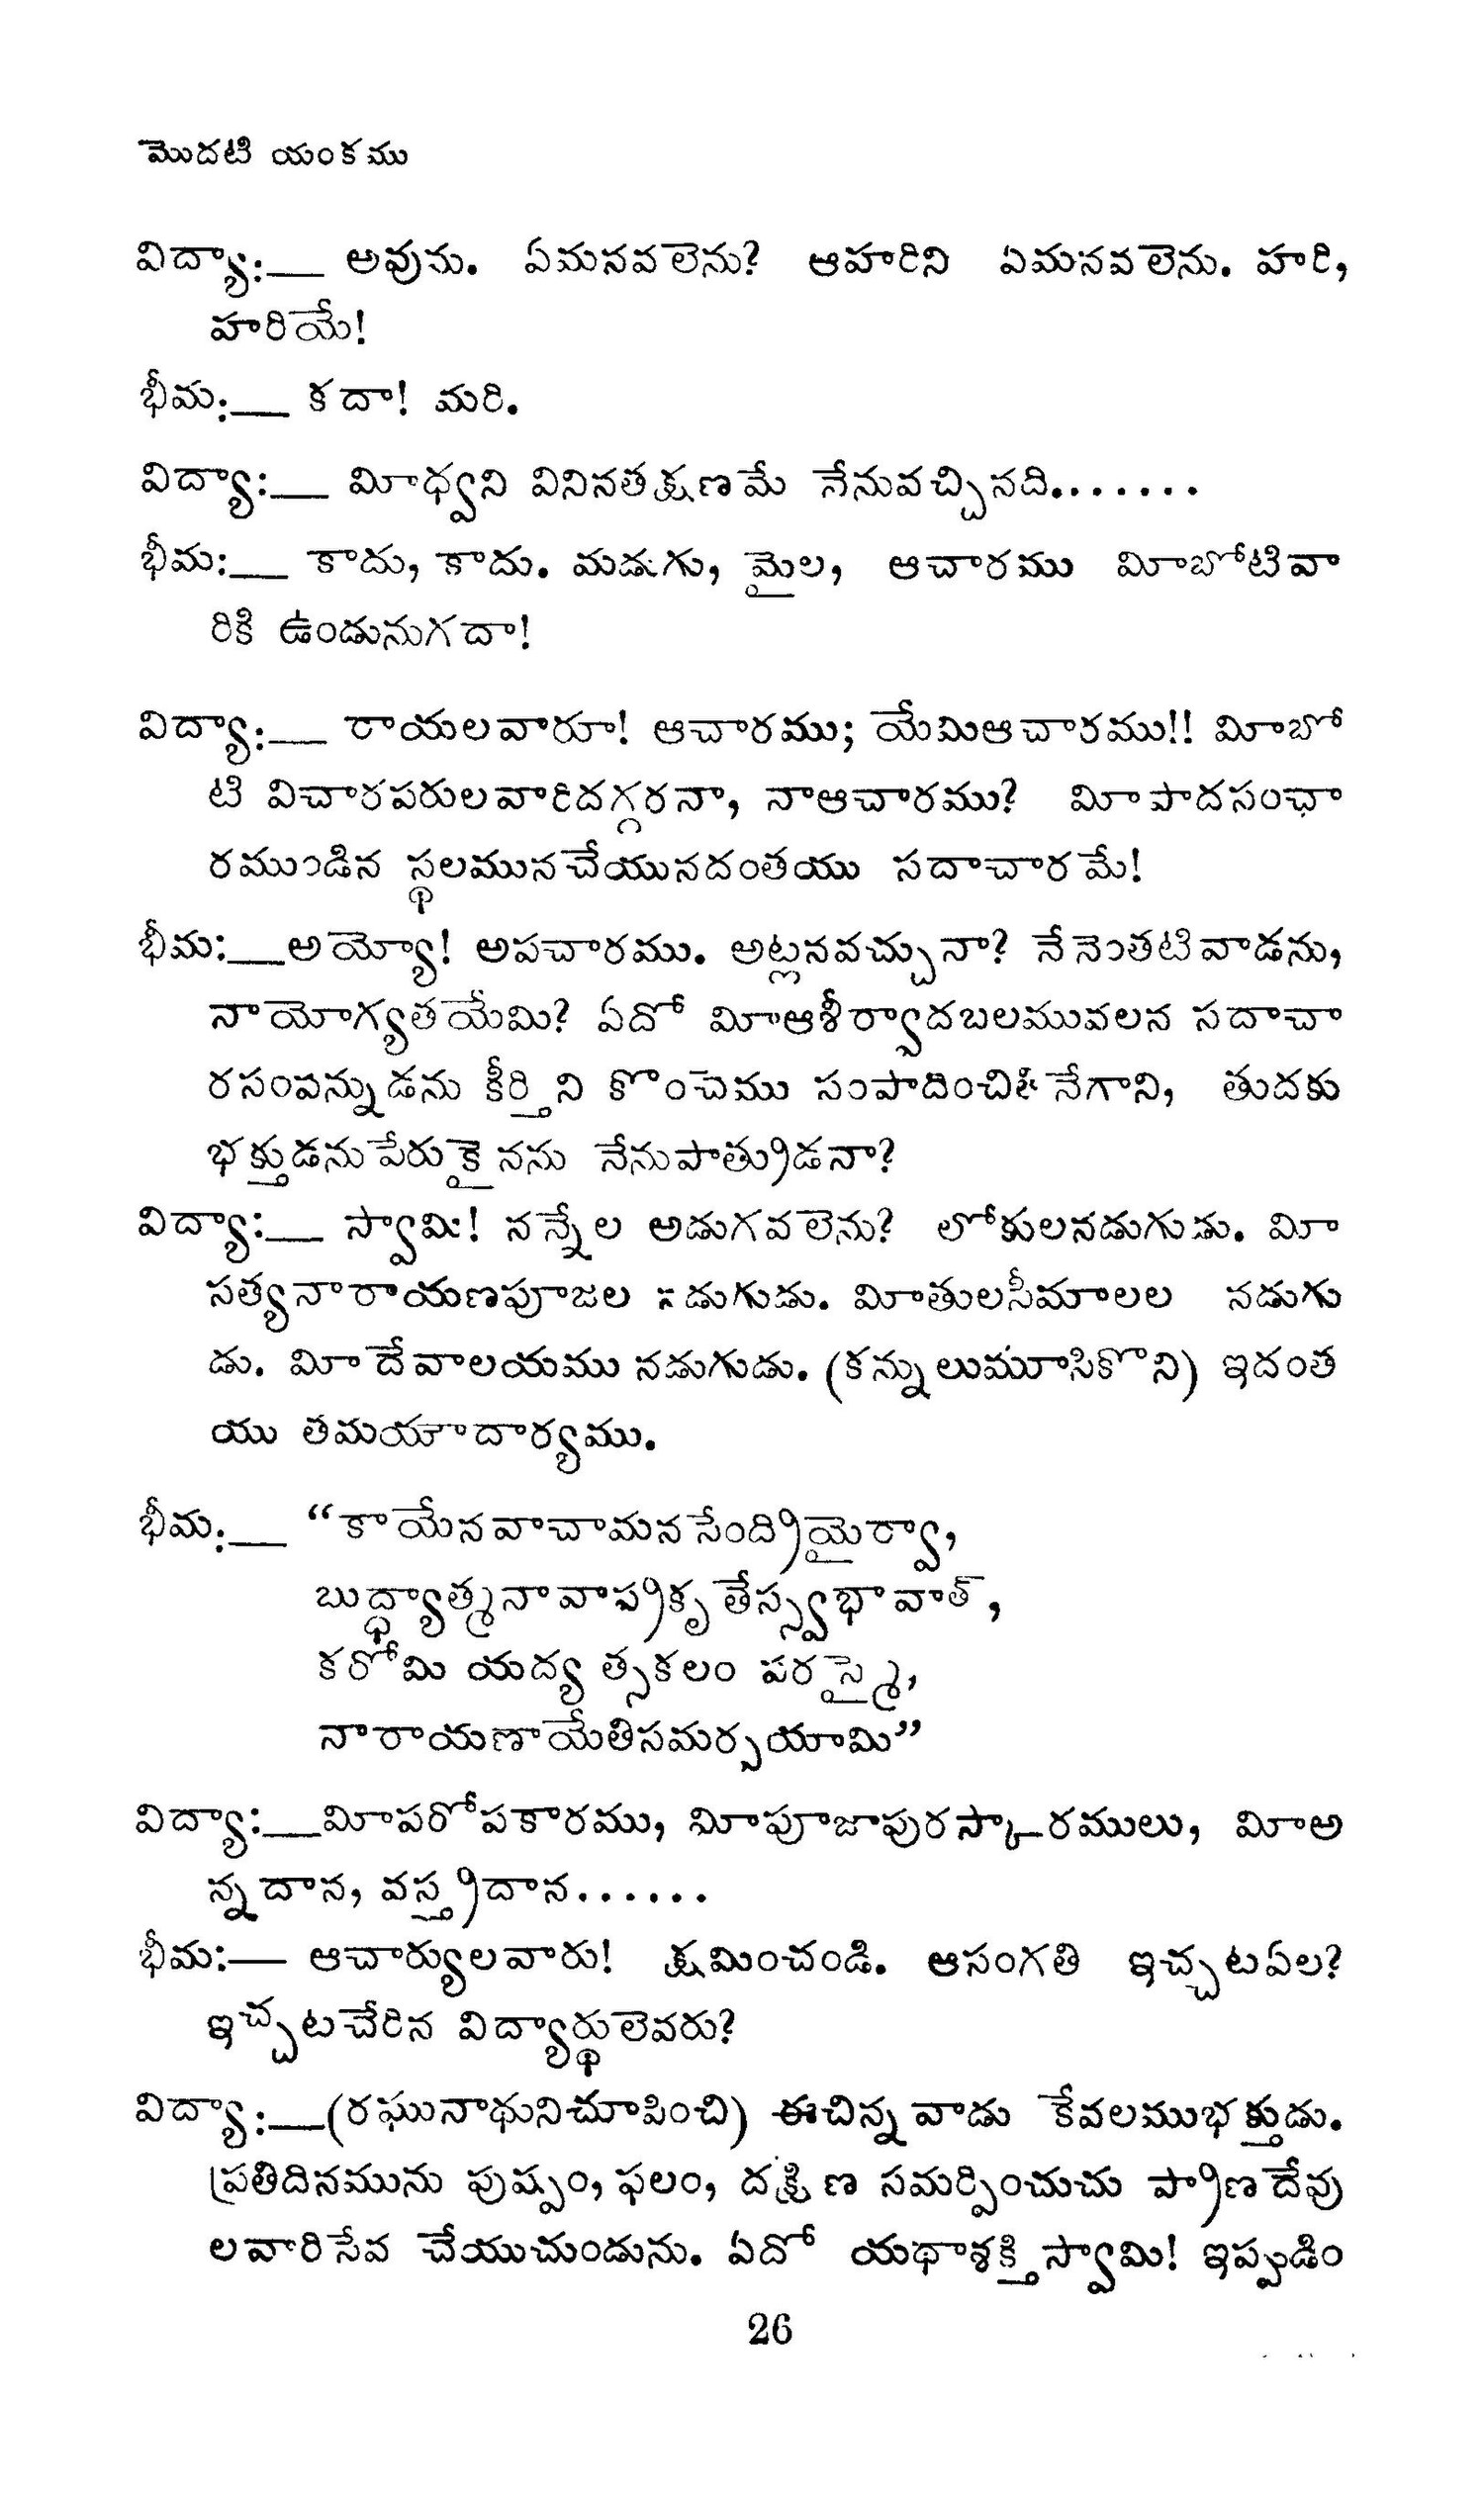విద్యా:— అవును. ఏమనవ లెను? ఆహరిని ఏమనవ లెను. హరి,
హరియే!

భీమ. _ కదా! మరి.

విద్యా:- మిధ్వని వినినతక్షణమే నేనువచ్చినది......

భీమ: - కాదు, కాదు. మడుగు, మైల, ఆచారము మీబోటివా
రికి ఉండునుగదా!

విద్యా:- రాయల వారూ! ఆచారము; యేమిఆచారము!! మీబో
టి విచారపరుల వారిదగ్గరనా, నాఆచారము? మీ పాదసంచా
రముండిన స్థలమున చేయునదంతయు సదాచార మే!

భీమ: అయ్యో! అపచారము. అట్లనవచ్చునా? నే నెంతటివాడను,
నాయోగ్యత యేమి? ఏదో మీ ఆశీర్వాదబలము వలన సదాచా
ర సంపన్నుడను కీర్తిని కొంచెము సంపాదించి నేగాని, తుదకు
భక్తుడను పేరు కైనను నేను పాత్రుడనా?

విద్యా:- స్వామి:! నన్నేల అడుగవలెను? లోకులనడుగుడు. మీ
సత్యనారాయణ పూజల నడుగుడు. మీతులసీమాలల నడుగు
డు. ఈ దేవాలయము నడుగుడు. (కన్ను లుమూసికొని) ఇదంత
యు తమయాదార్యము.

భీమ: - "కాయేన వాచామన సేంది యైర్వా,
బుద్ధ్యాత్మ నా వాప్రకృ తేస్స్వభావాత్ ,
కరోమి యద్య త్సకలం పర స్మై,
నారాయణాయేతి సమర్పయామి”

విద్యా: __మీపరోపకారము, నాపూజా పురస్కారములు, మాల
న్నదాన, వస్త్రదాన . . . . . .

భీమ:- ఆచార్యులవారు! క్షమించండి. ఆసంగతి ఇచ్చట ఏల?
ఇచ్చట చేరిన విద్యార్థు లెవరు?

విద్యా:-(రఘునాథుని చూపించి) ఈ చిన్న వాడు కేవలము భక్తుడు.
ప్రతిదినమును పుష్పం, ఫలం, దక్షిణ సమర్పించుచు ప్రాణ దేవు
లవారి సేవ చేయుచుండును. ఏదో యథాశక్తి స్వామి! ఇప్పుడిం